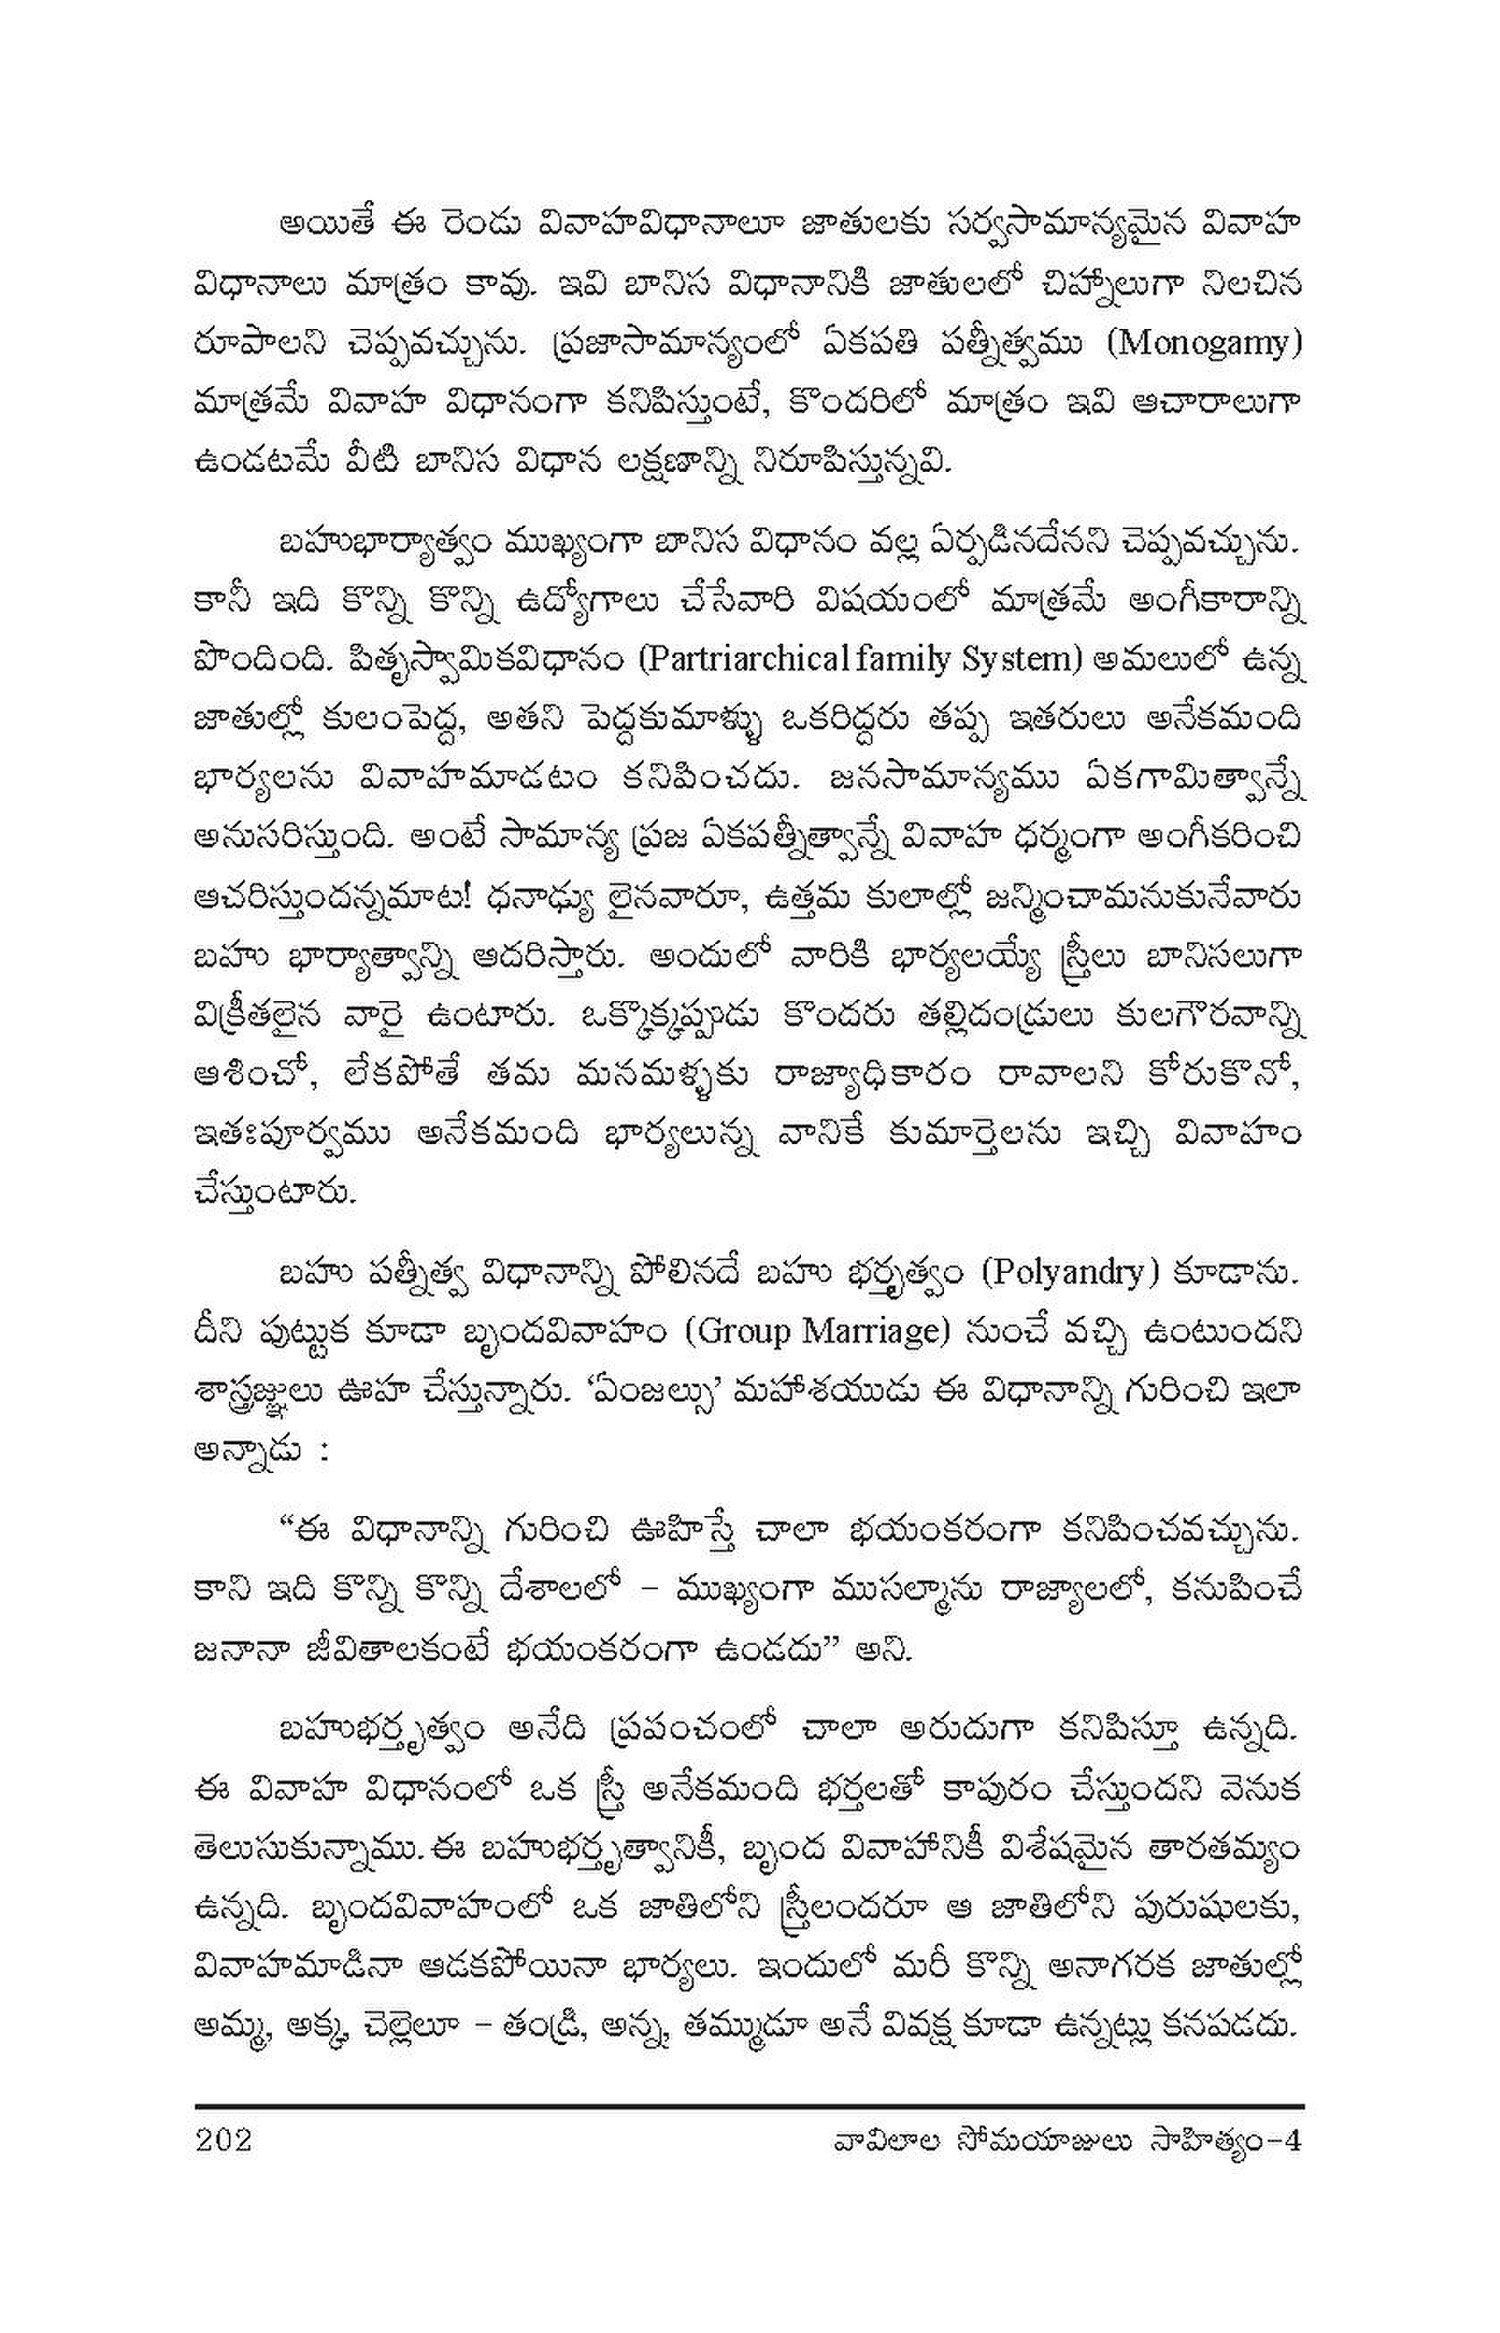అయితే ఈ రెండు వివాహవిధానాలూ జాతులకు సర్వసామాన్యమైన వివాహ
విధానాలు మాత్రం కావు. ఇవి బానిస విధానానికి జాతులలో చిహ్నాలుగా నిలచిన
రూపాలని చెప్పవచ్చును. ప్రజాసామాన్యంలో ఏకపతి పత్నీత్వము (Monogamy)
మాత్రమే వివాహ విధానంగా కనిపిస్తుంటే, కొందరిలో మాత్రం ఇవి ఆచారాలుగా
ఉండటమే వీటి బానిస విధాన లక్షణాన్ని నిరూపిస్తున్నవి.

బహుభార్యాత్వం ముఖ్యంగా బానిస విధానం వల్ల ఏర్పడినదేనని చెప్పవచ్చును.
కానీ ఇది కొన్ని కొన్ని ఉద్యోగాలు చేసేవారి విషయంలో మాత్రమే అంగీకారాన్ని
పొందింది. పితృస్వామికవిధానం (Partriarchical family System) అమలులో ఉన్న
జాతుల్లో కులంపెద్ద, అతని పెద్దకుమాళ్ళు ఒకరిద్దరు తప్ప ఇతరులు అనేకమంది
భార్యలను వివాహమాడటం కనిపించదు. జనసామాన్యము ఏకగామిత్వాన్నే
అనుసరిస్తుంది. అంటే సామాన్య ప్రజ ఏకపత్నీత్వాన్నే వివాహ ధర్మంగా అంగీకరించి
ఆచరిస్తుందన్నమాట! ధనాఢ్యు లైనవారూ, ఉత్తమ కులాల్లో జన్మించామనుకునేవారు
బహు భార్యాత్వాన్ని ఆదరిస్తారు. అందులో వారికి భార్యలయ్యే స్త్రీలు బానిసలుగా
విక్రీతలైన వారై ఉంటారు. ఒక్కొక్కప్పుడు కొందరు తల్లిదండ్రులు కులగౌరవాన్ని
ఆశించో, లేకపోతే తమ మనమళ్ళకు రాజ్యాధికారం రావాలని కోరుకొనో,
ఇతఃపూర్వము అనేకమంది భార్యలున్న వానికే కుమార్తెలను ఇచ్చి వివాహం
చేస్తుంటారు.

బహు పత్నీత్వ విధానాన్ని పోలినదే బహు భర్తృత్వం (Polyandry) కూడాను.
దీని పుట్టుక కూడా బృందవివాహం (Group Marriage) నుంచే వచ్చి ఉంటుందని
శాస్త్రజ్ఞులు ఊహ చేస్తున్నారు. 'ఏంజల్సు' మహాశయుడు ఈ విధానాన్ని గురించి ఇలా
అన్నాడు :

"ఈ విధానాన్ని గురించి ఊహిస్తే చాలా భయంకరంగా కనిపించవచ్చును.
కాని ఇది కొన్ని కొన్ని దేశాలలో - ముఖ్యంగా ముసల్మాను రాజ్యాలలో, కనుపించే
జనానా జీవితాలకంటే భయంకరంగా ఉండదు" అని.

బహుభర్తృత్వం అనేది ప్రపంచంలో చాలా అరుదుగా కనిపిస్తూ ఉన్నది.
ఈ వివాహ విధానంలో ఒక స్త్రీ అనేకమంది భర్తలతో కాపురం చేస్తుందని వెనుక
తెలుసుకున్నాము. ఈ బహుభర్తృత్వానికీ, బృంద వివాహానికి విశేషమైన తారతమ్యం
ఉన్నది. బృందవివాహంలో ఒక జాతిలోని స్త్రీలందరూ ఆ జాతిలోని పురుషులకు,
వివాహమాడినా ఆడకపోయినా భార్యలు. ఇందులో మరీ కొన్ని అనాగరక జాతుల్లో
అమ్మ, అక్క, చెల్లెలూ - తండ్రి, అన్న, తమ్ముడూ అనే వివక్ష కూడా ఉన్నట్లు కనపడదు.